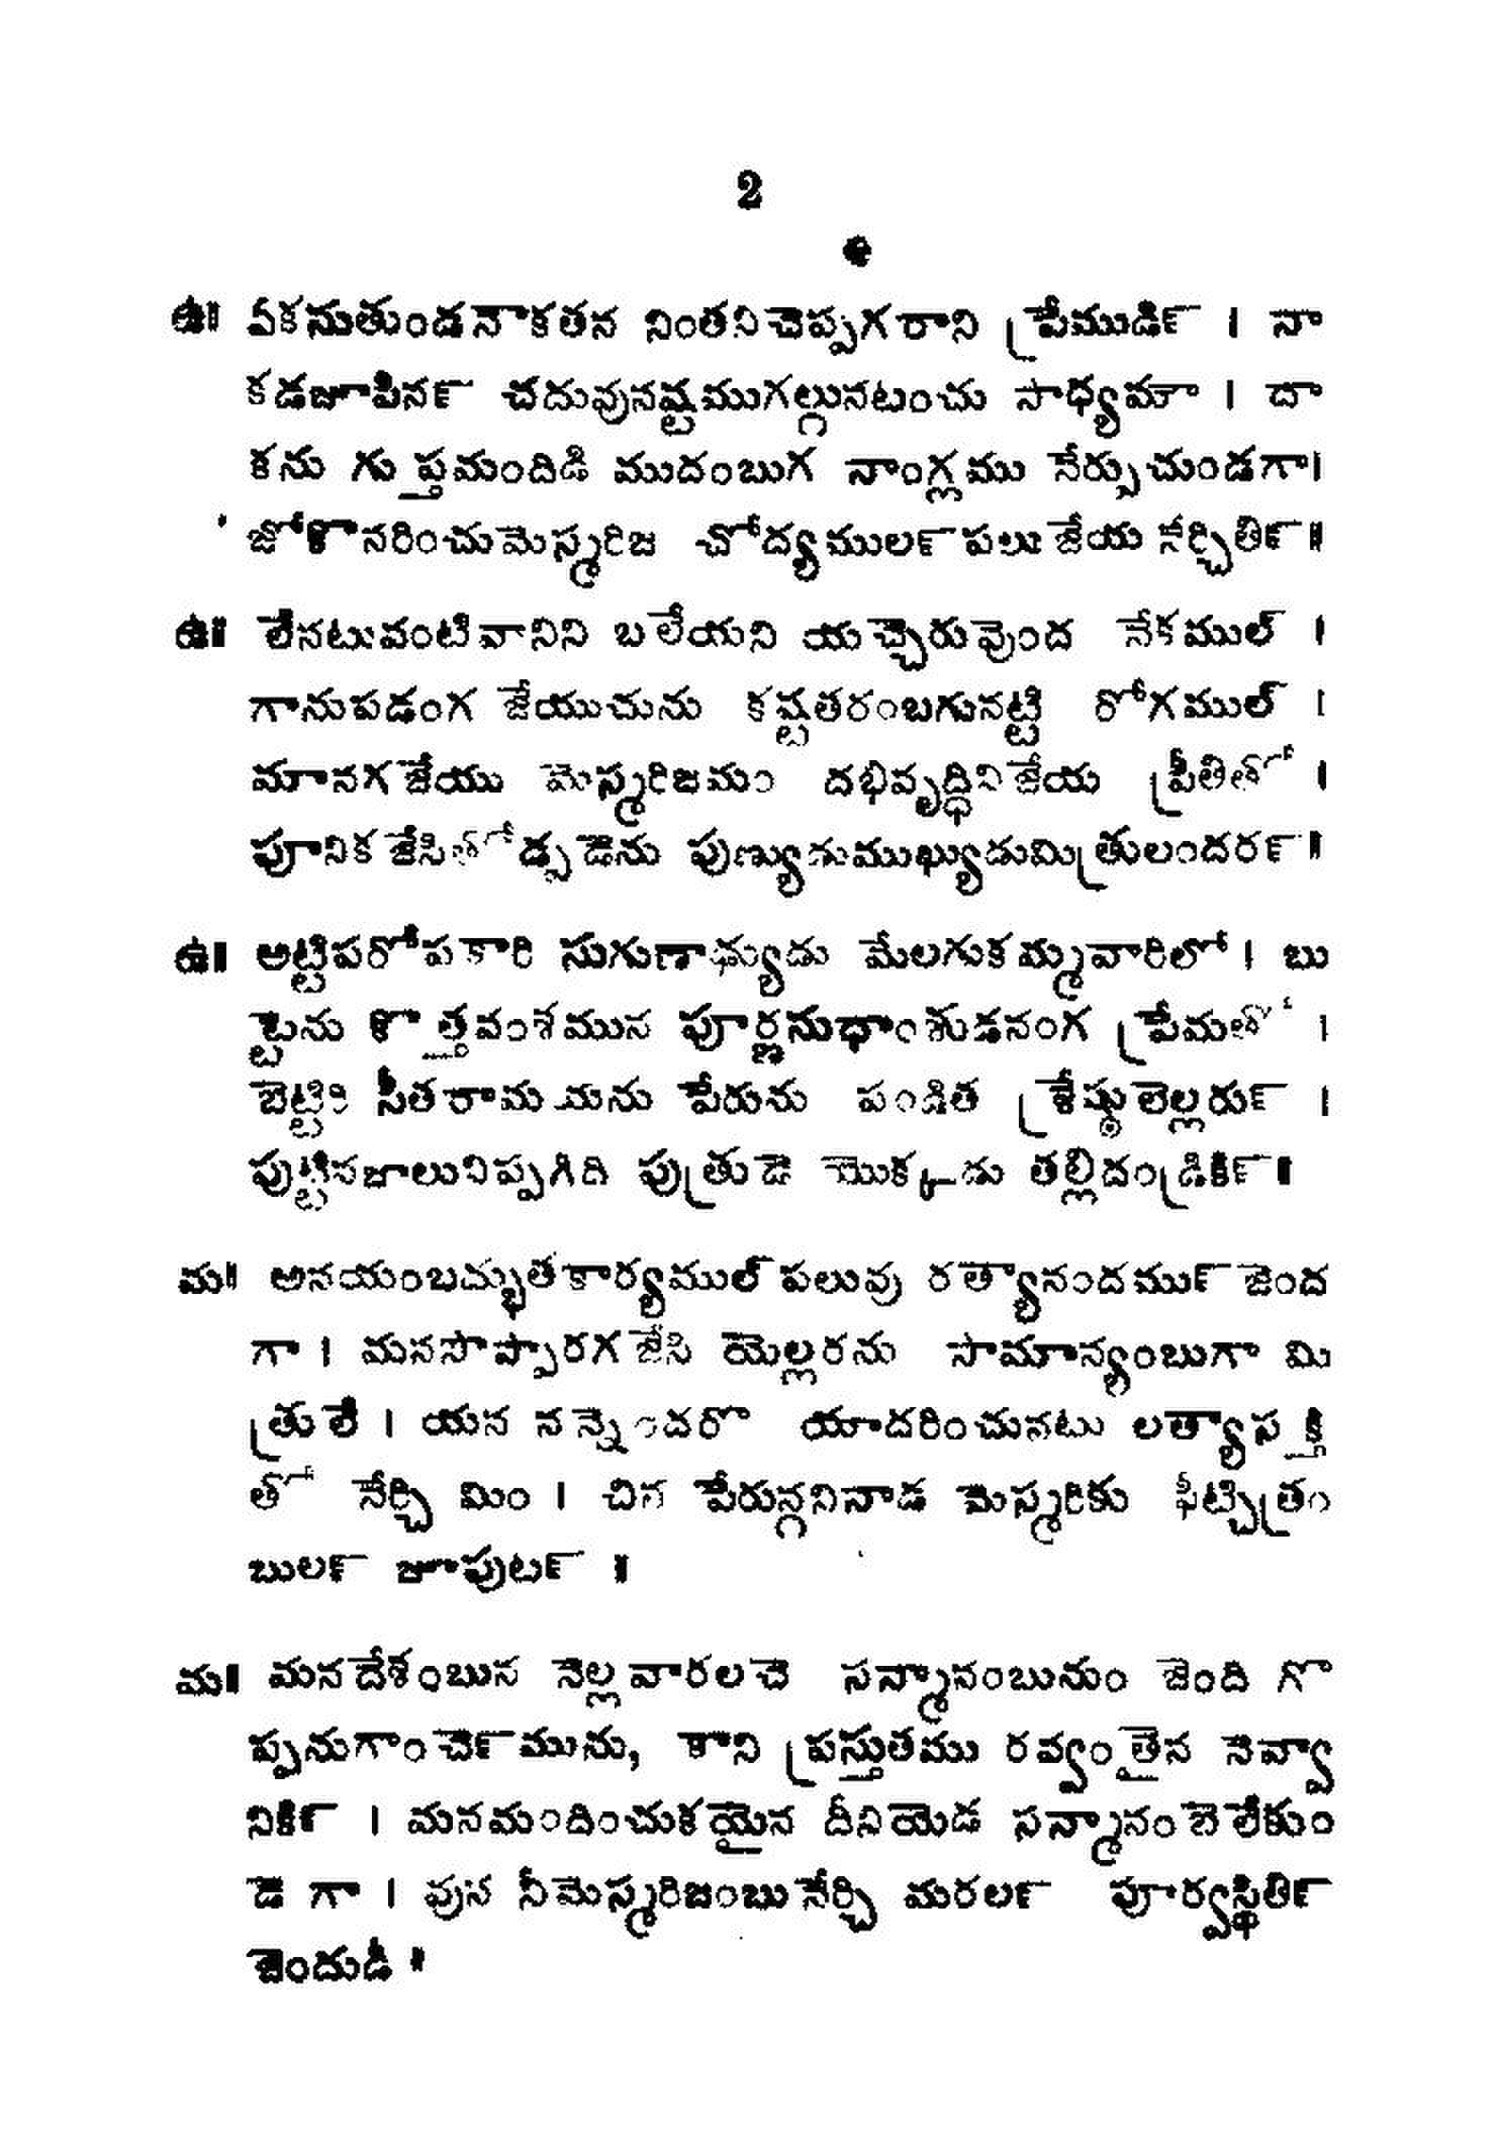ఉ!! ఎకసుతుండనౌకతన నింతనిచెప్పగరాని ప్రేముడిన్! 
 నాకడజూపినన్ చదువునష్టముగల్గునటంచు సాధ్యమౌ ! 
 దాకను గుప్తమందిడి ముదంబుగ నాంగ్లము నేర్చుచుండగా!
 జోకొనరించుమెస్మరిజ చోద్యములన్ పలుజేయ నేర్చితిన్!! 

ఉ!! లేనటువంటివానిని బలేయని యచ్చెరువొంద నేకముల్!
 గానుపడంగ జేయుచును కష్టతరంబగునట్టి రోగముల్ !
 మానగజేయు మెస్మరిజమం దభివృద్ధినిజేయ ప్రీతితో !
 పూనికజేసితోడ్పడెను పుణ్యుడుముఖ్యుడుమిత్రులందరన్!!

ఉ!! అట్టిపరోపకారి సుగుణాఢ్యుడు మేలగుకమ్మవారిలో! 
 బుట్టెను కొత్తవంశమున పూర్ణసుధాంశుడనంగ ప్రేమతో! 
 బెట్టిరి సీతరామయను పేరును పండిత శ్రేష్ఠులెల్లరున్! 
 పుట్టినజాలునిప్పగిది పుత్రుడె యొక్కడు తల్లిదండ్రికిన్!!

మ!! అనయంబద్భుతకార్యముల్ పలువు రత్యానందమున్ జెందగా! 
 మనసొప్పారగజేసి యెల్లరను సామాన్యంబుగా మిత్రులే! 
 యన నన్నెందరొ యాదరించునటు లత్యాసక్తితో నేర్చి మిం ! 
 చిన పేరున్గనినాడ మెస్మరికు ఫీట్చిత్రంబులన్ జూపుటన్!!

మ!! మనదేశంబున నెల్లవారలచె సన్మానంబునుం జెంది గొ
 ప్పనుగాంచెన్ మును, కాని ప్రస్తుతము రవ్వంతైన నెవ్వానికిన్! 
 మనమందించుకయైన దీనియెడ సన్మానంబె లేకుండె గా! 
 వున నీమెస్మరిజంబునేర్చి మరలన్ పూర్వస్థితిన్ జెందుడీ!!